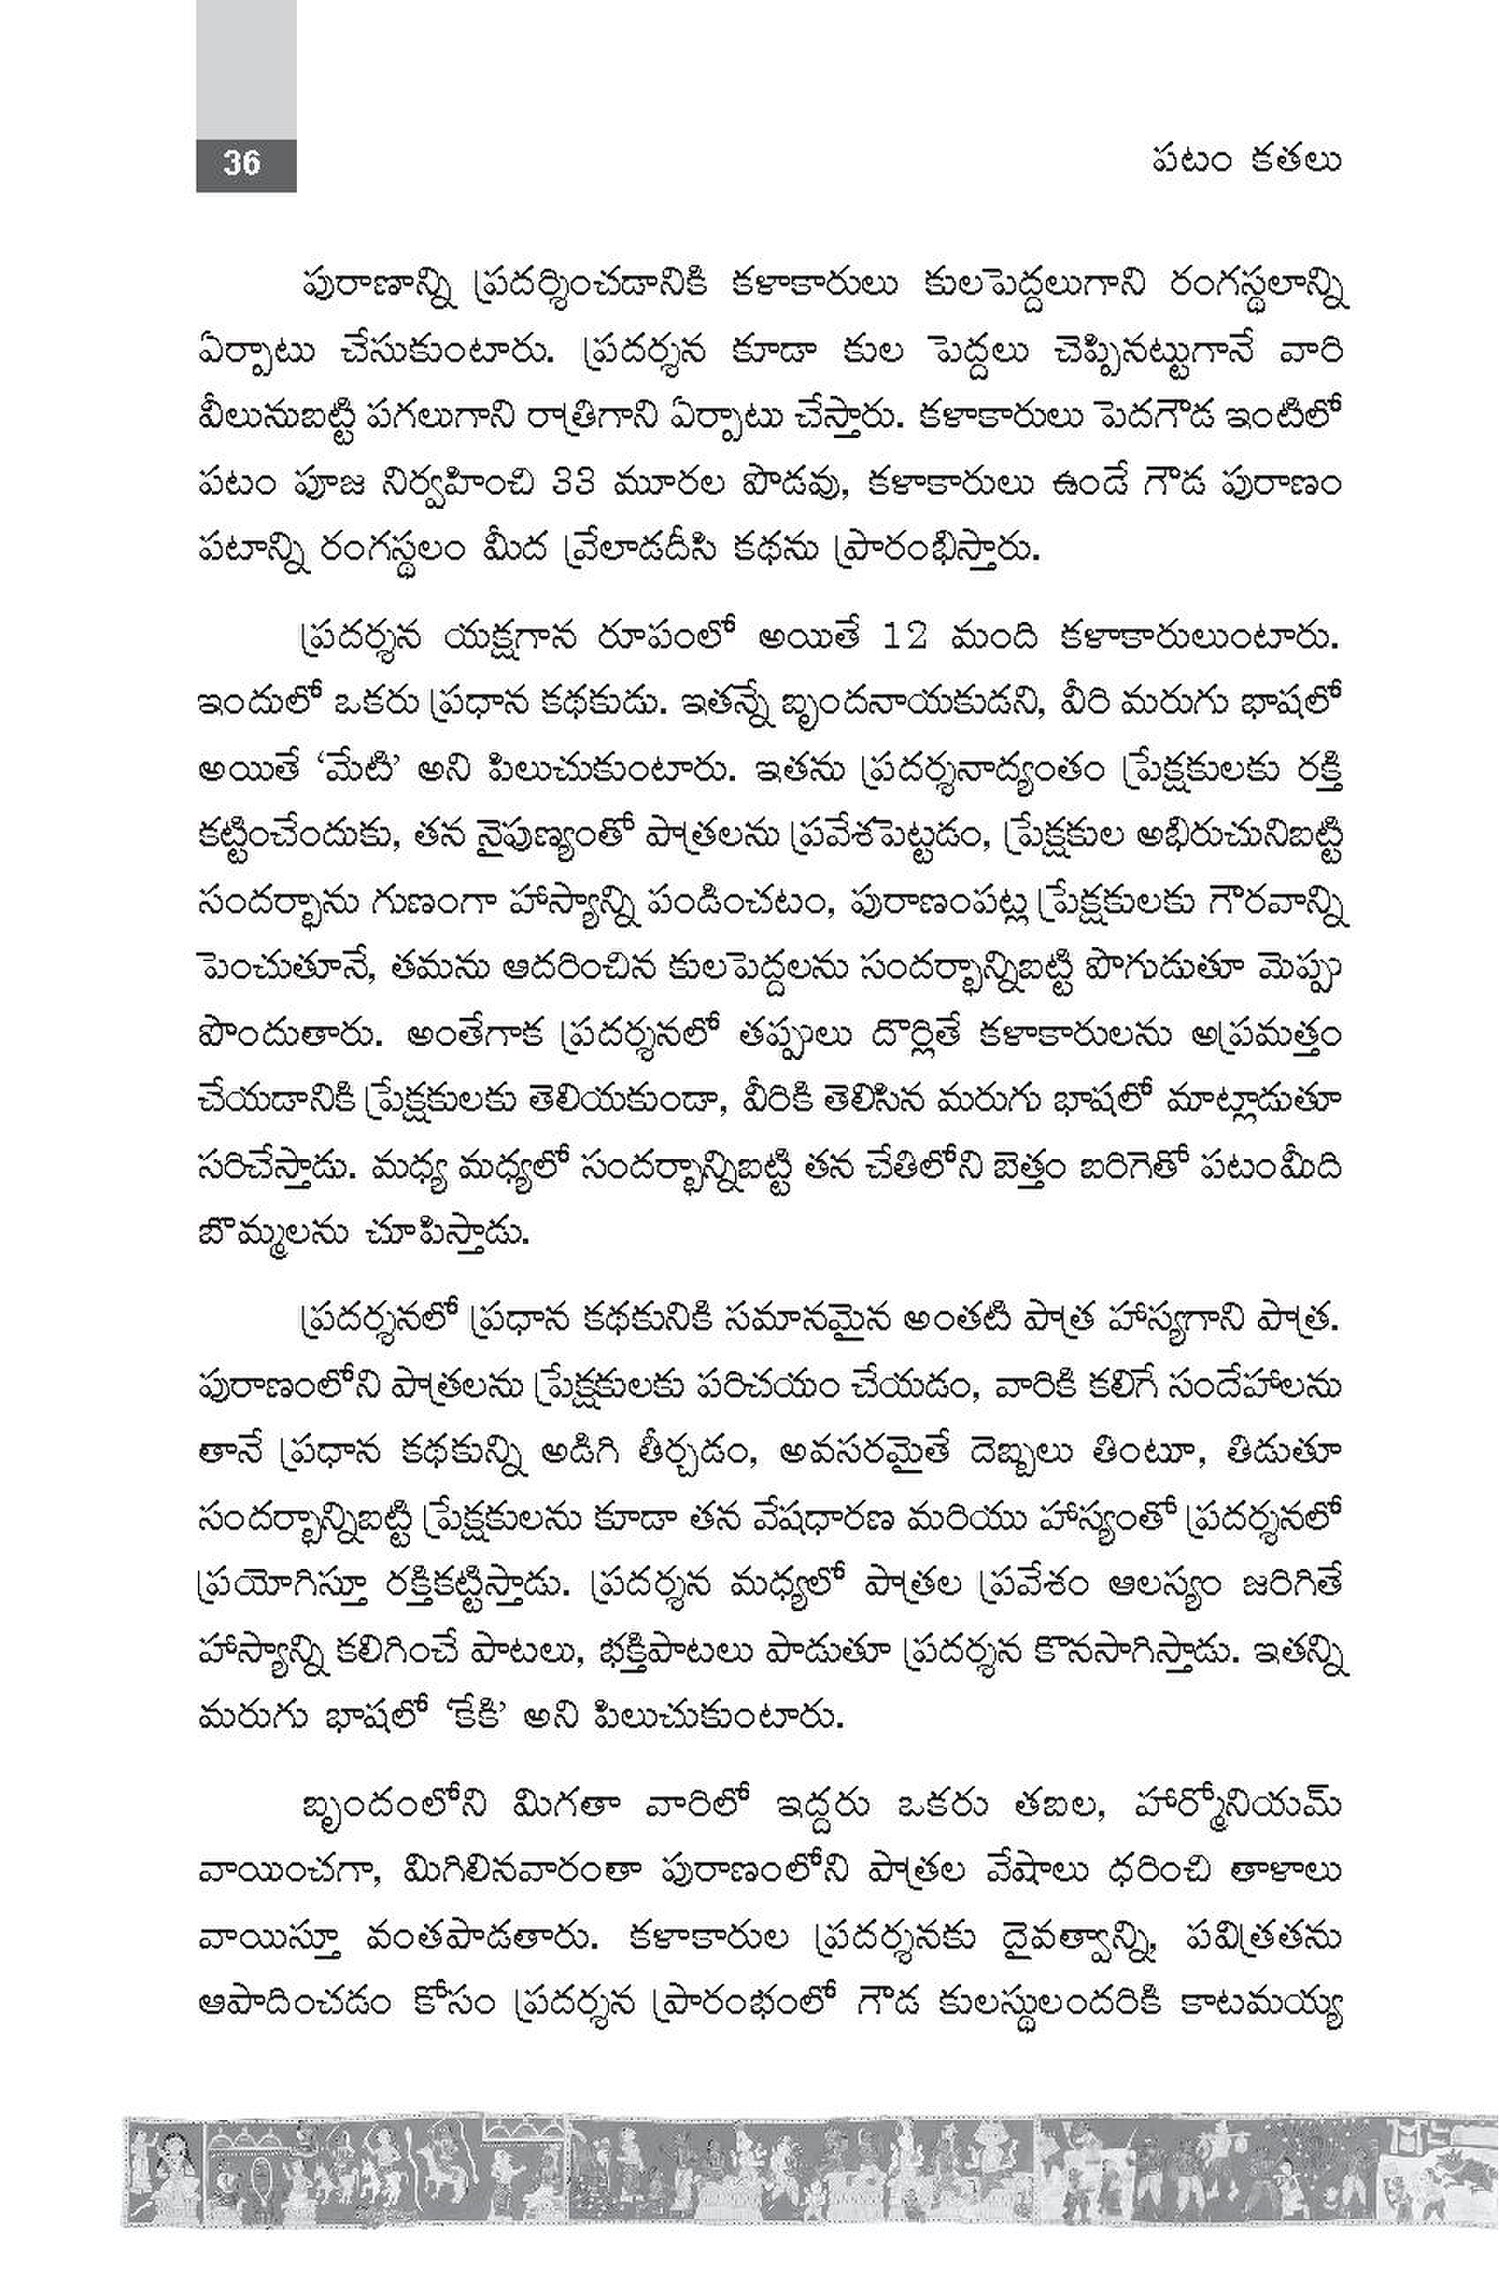పురాణాన్ని ప్రదర్శించడానికి కళాకారులు కులపెద్దలుగాని రంగస్థలాన్ని ఏర్పాటు చేసుకుంటారు. ప్రదర్శన కూడా కుల పెద్దలు చెప్పినట్టుగానే వారి వీలునుబట్టి పగలుగాని రాత్రిగాని ఏర్పాటు చేస్తారు. కళాకారులు పెదగౌడ ఇంటిలో
పటం పూజ నిర్వహించి 33 మూరల పొడవు, కళాకారులు ఉండే గౌడ పురాణం పటాన్ని రంగస్థలం మీద వ్రేలాడదీసి కథను ప్రారంభిస్తారు.

ప్రదర్శన యక్షగాన రూపంలో అయితే 12 మంది కళాకారులుంటారు. ఇందులో ఒకరు ప్రధాన కథకుడు. ఇతన్నే బృందనాయకుడని, వీరి మరుగు భాషలో అయితే 'మేటి' అని పిలుచుకుంటారు. ఇతను ప్రదర్శనాద్యంతం ప్రేక్షకులకు రక్తి కట్టించేందుకు తన నైపుణ్యంతో పాత్రలను ప్రవేశపెట్టడం, ప్రేక్షకుల అభిరుచునిబట్టి సందర్భాను గుణంగా హాస్యాన్ని పండించటం, పురాణంపట్ల ప్రేక్షకులకు గౌరవాన్ని పెంచుతూనే, తమను ఆదరించిన కులపెద్దలను సందర్భాన్నిబట్టి పొగుడుతూ మెప్పు పొందుతారు. అంతేగాక ప్రదర్శనలో తప్పులు దొర్లితే కళాకారులను అప్రమత్తం
చేయడానికి ప్రేక్షకులకు తెలియకుండా, వీరికి తెలిసిన మరుగు భాషలో మాట్లాడుతూ సరిచేస్తాడు. మధ్య మధ్యలో సందర్భాన్నిబట్టి తన చేతిలోని బెత్తం బరిగెతో పటంమీది బొమ్మలను చూపిస్తాడు.

ప్రదర్శనలో ప్రధాన కథకునికి సమానమైన అంతటి పాత్ర హాస్యగాని పాత్ర. పురాణంలోని పాత్రలను ప్రేక్షకులకు పరిచయం చేయడం, వారికి కలిగే సందేహాలను తానే ప్రధాన కథకున్ని అడిగి తీర్చడం, అవసరమైతే దెబ్బలు తింటూ, తిడుతూ సందర్భాన్నిబట్టి ప్రేక్షకులను కూడా తన వేషధారణ మరియు హాస్యంతో ప్రదర్శనలో ప్రయోగిస్తూ రక్తికట్టిస్తాడు. ప్రదర్శన మధ్యలో పాత్రల ప్రవేశం ఆలస్యం జరిగితే హాస్యాన్ని కలిగించే పాటలు, భక్తిపాటలు పాడుతూ ప్రదర్శన కొనసాగిస్తాడు. ఇతన్ని మరుగు భాషలో 'కేకి' అని పిలుచుకుంటారు.

బృందంలోని మిగతా వారిలో ఇద్దరు ఒకరు తబల, హార్మోనియమ్ వాయించగా, మిగిలినవారంతా పురాణంలోని పాత్రల వేషాలు ధరించి తాళాలు వాయిస్తూ వంతపాడతారు. కళాకారుల ప్రదర్శనకు దైవత్వాన్ని, పవిత్రతను ఆపాదించడం కోసం ప్రదర్శన ప్రారంభంలో గౌడ కులస్థులందరికీ కాటమయ్య